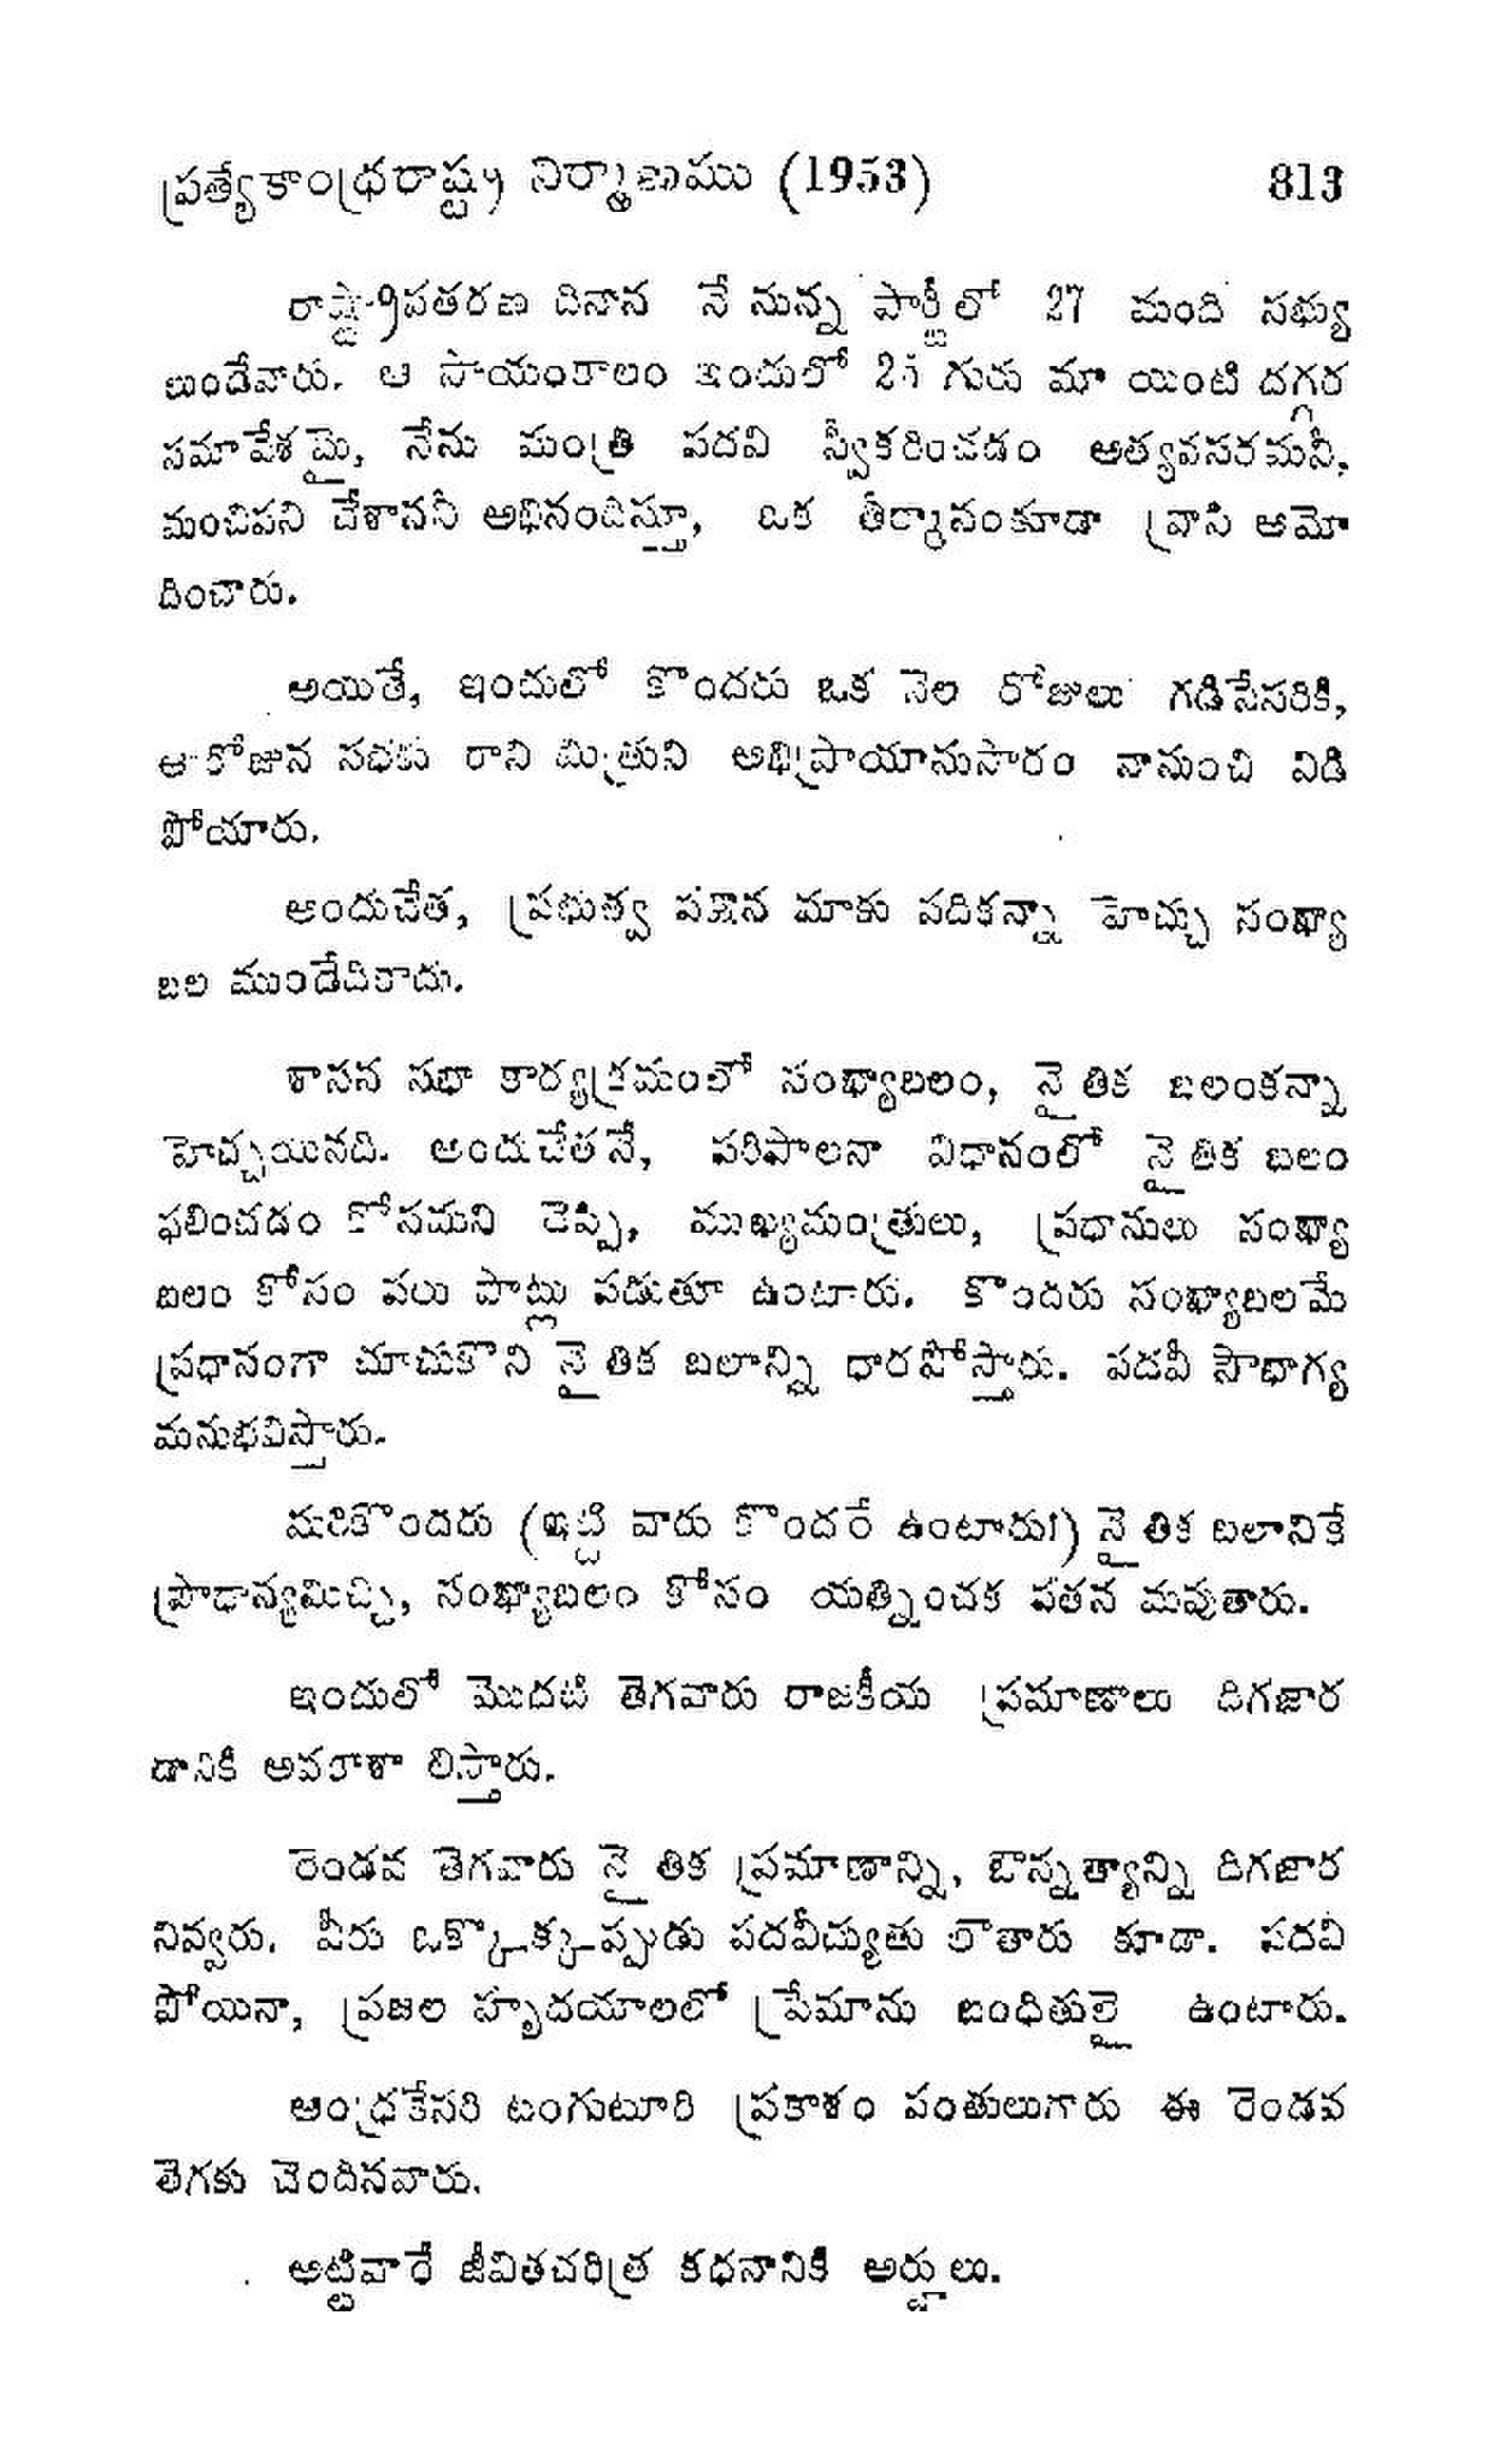రాష్ట్రావతరణ దినాన నే నున్న పార్టీలో 27 మంది సభ్యులుండేవారు. ఆ సాయంకాలం అందులో 25 గురు మా యింటి దగ్గర సమావేశమై, నేను మంత్రి పదవి స్వీకరించడం అత్యవసరమనీ, మంచిపని చేశాననీ అభినందిస్తూ, ఒక తీర్మానంకూడా వ్రాసి ఆమోదించారు.

అయితే, ఇందులో కొందరు ఒక నెల రోజులు గడిసేసరికి, ఆ రోజున సభకు రాని మిత్రుని అభిప్రాయానుసారం నానుంచి విడిపోయారు.

అందుచేత, ప్రభుత్వ పక్షాన మాకు పదికన్నా హెచ్చు సంఖ్యాబల ముండేదికాదు.

శాసన సభా కార్యక్రమంలో సంఖ్యాబలం, నైతిక బలంకన్నా హెచ్చయినది. అందుచేతనే, పరిపాలనా విధానంలో నైతిక బలం ఫలించడం కోసమని చెప్పి, ముఖ్యమంత్రులు, ప్రధానులు సంఖ్యాబలం కోసం పలు పాట్లు పడుతూ ఉంటారు. కొందరు సంఖ్యాబలమే ప్రధానంగా చూచుకొని నైతిక బలానీ ధారపోస్తారు. పదవీ సౌభాగ్య మనుభవిస్తారు.

మరికొందరు (ఇట్టి వారు కొందరే ఉంటారు!) నైతిక బలానికే ప్రాధాన్యమిచ్చి, సంఖ్యాబలం కోసం యత్నించక పతన మవుతారు.

ఇందులో మొదటి తెగవారు రాజకీయ ప్రమాణాలు దిగజారడానికి అవకాశా లిస్తారు.

రెండవ తెగవారు నైతిక ప్రమాణాన్ని, ఔన్నత్యాన్ని దిగజార నివ్వరు. వీరు ఒక్కొక్కప్పుడు పదవీచ్యుతు లౌతారు కూడా. పదవి పోయినా, ప్రజల హృదయాలలో ప్రేమాను బంధితులై ఉంటారు.

ఆంధ్రకేసరి టంగుటూరి ప్రకాశం పంతులుగారు ఈ రెండవ తెగకు చెందినవారు.

అట్టివారే జీవితచరిత్ర కధనానికి అర్హులు.